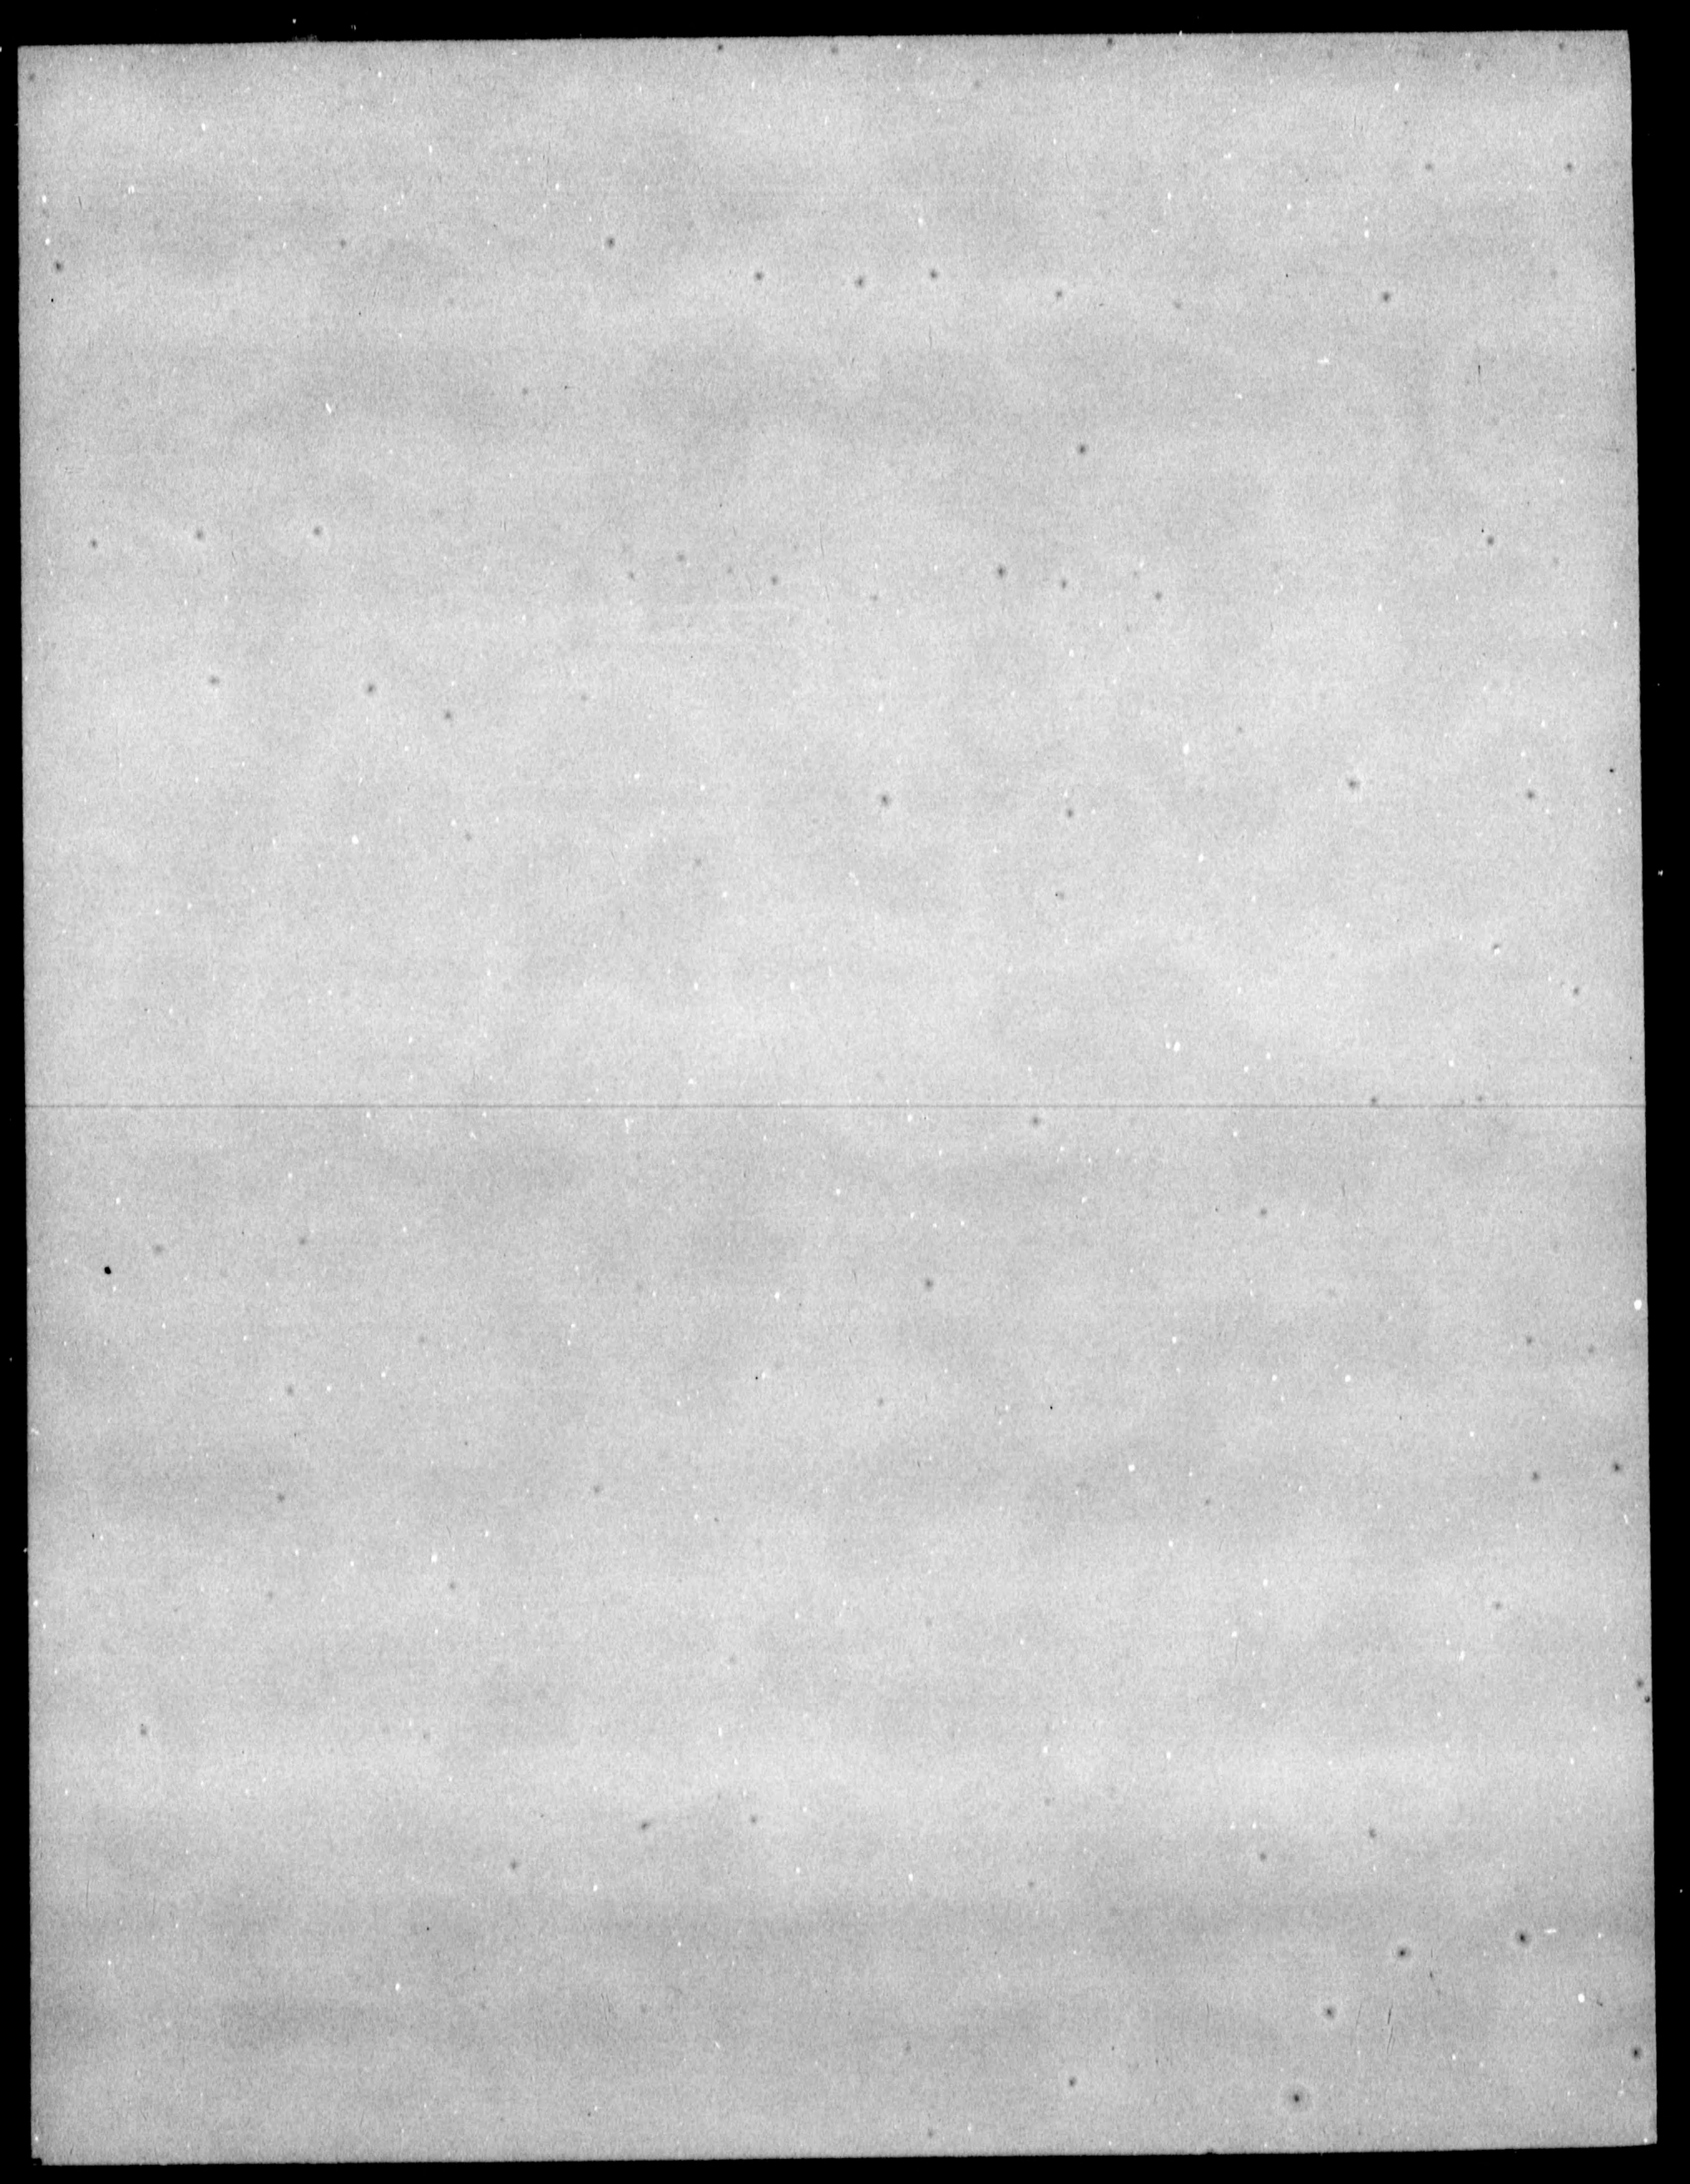[If there is anything on this page, it 
cannot be seen with the naked eye.]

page: 7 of 59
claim: bounty land warrant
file: B.L.Wt. 2359-500, for Owen Roberts, South Carolina